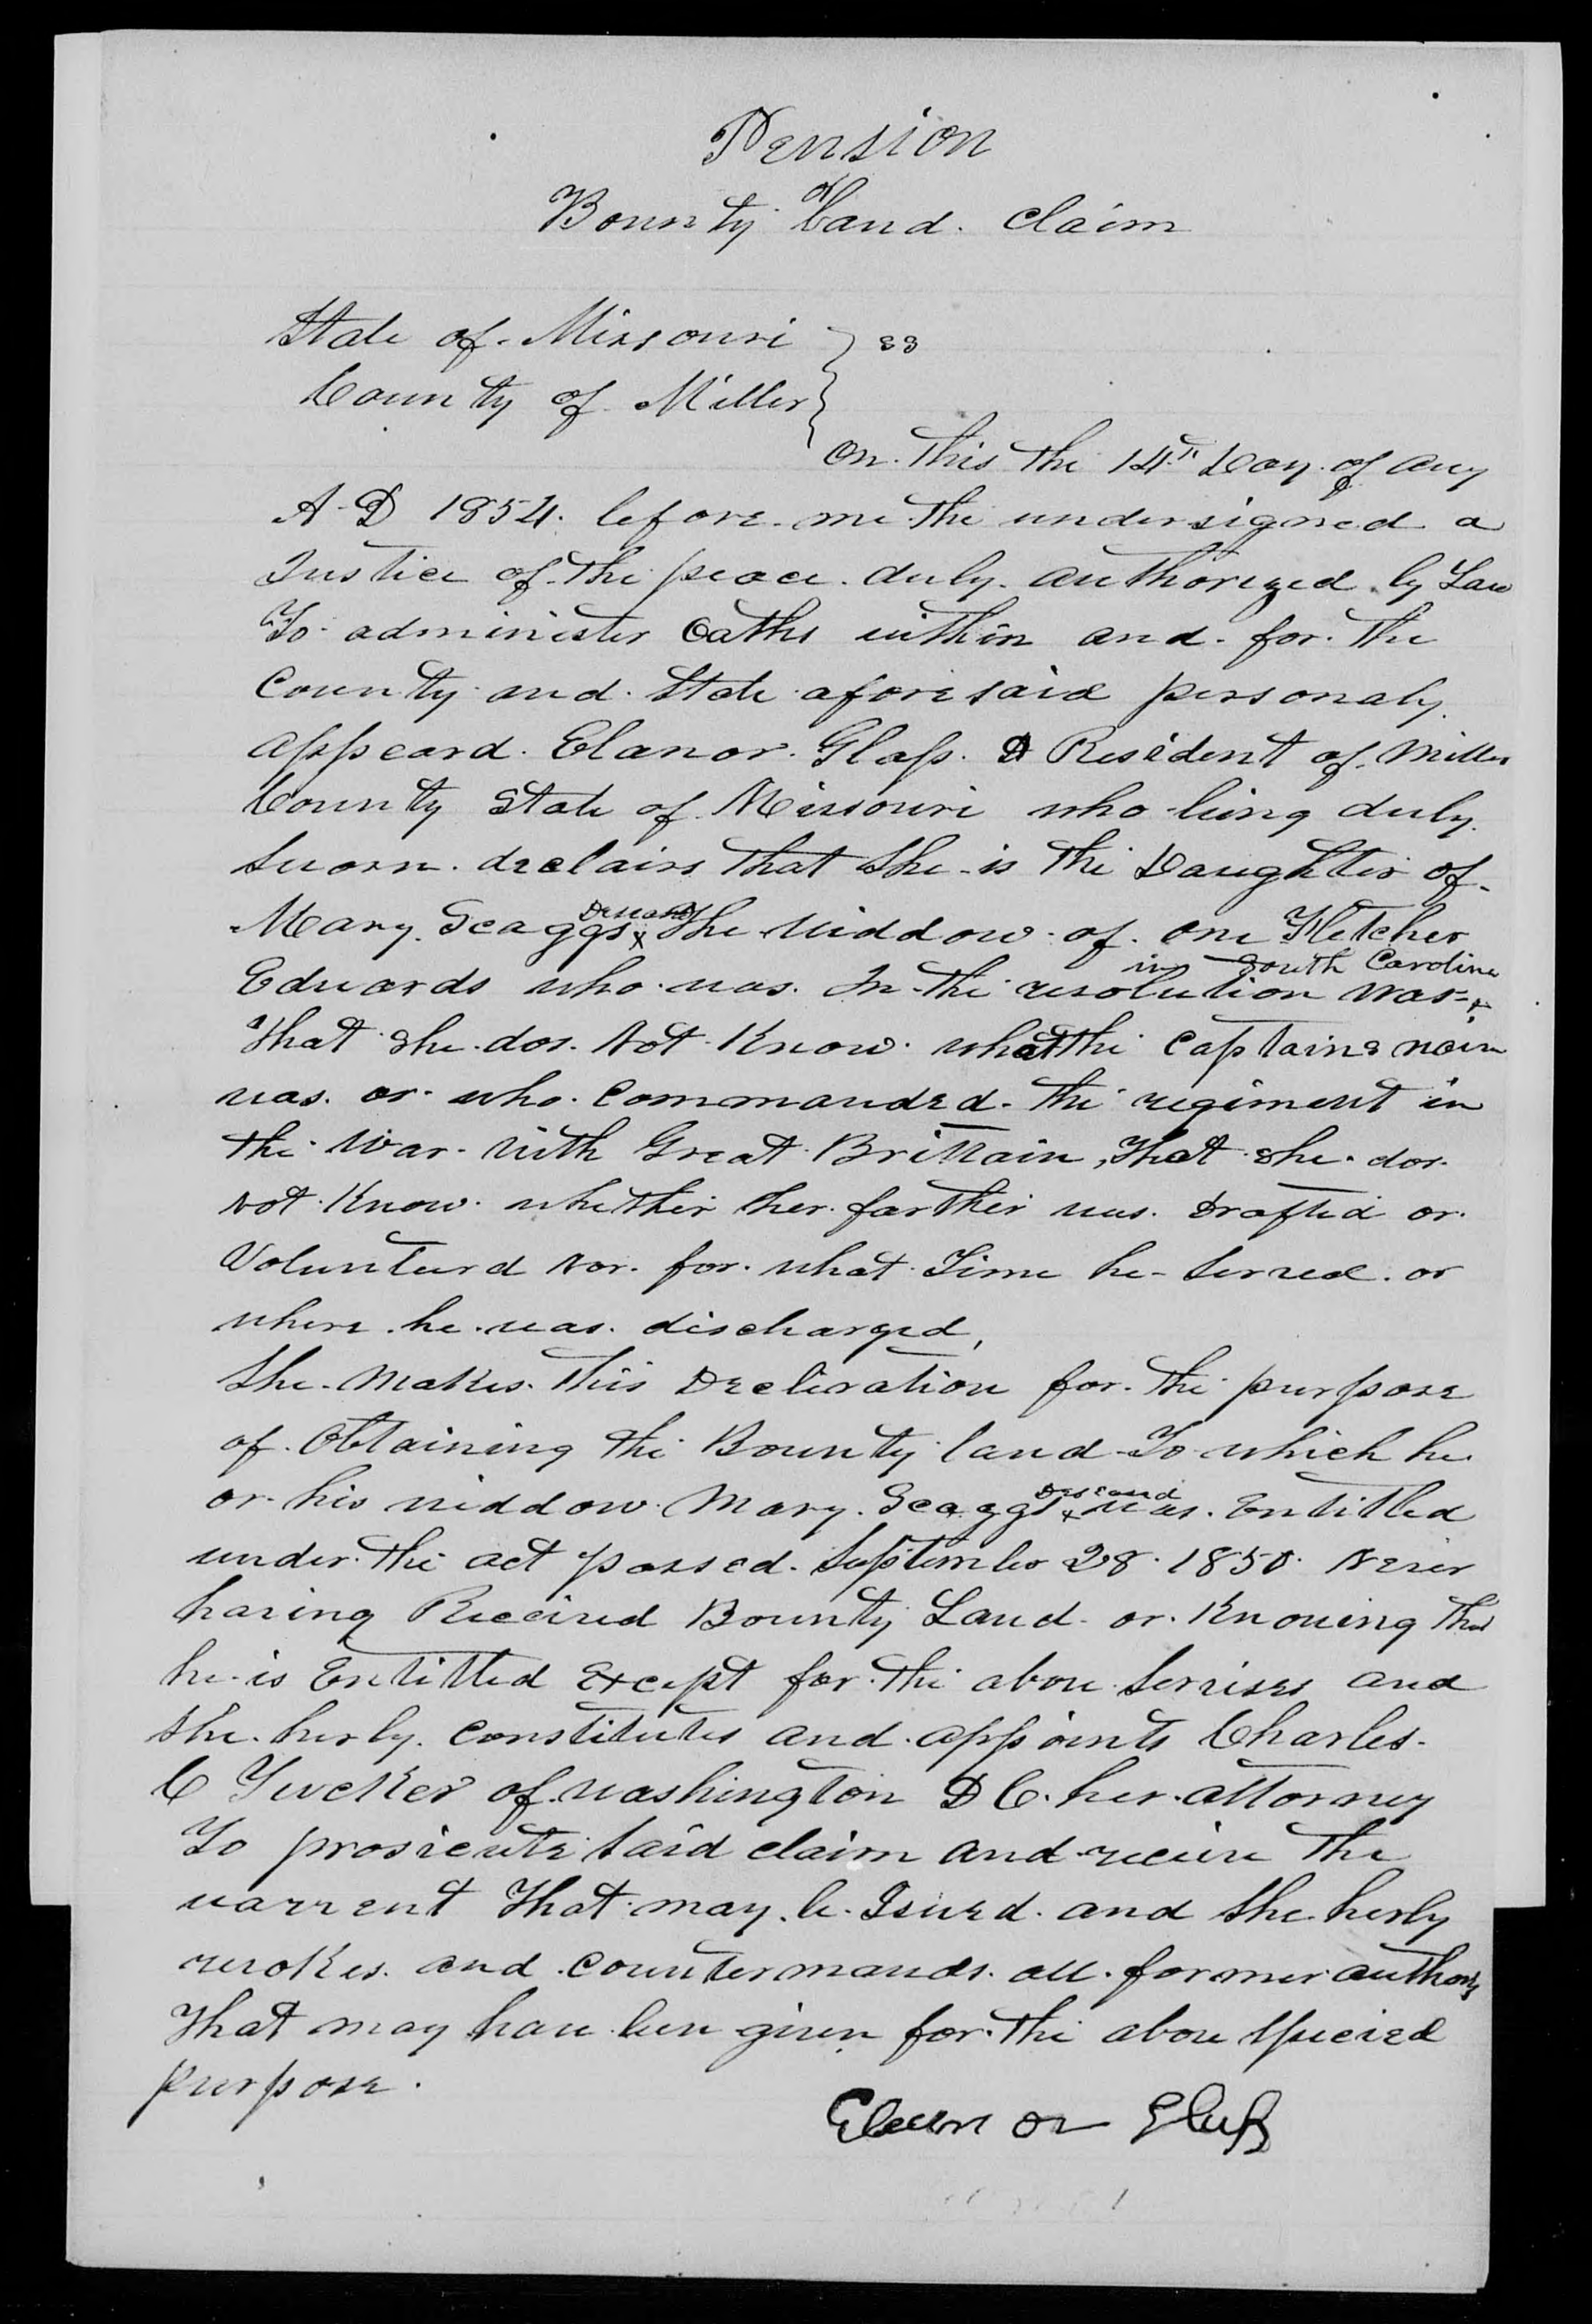Pension Bounty land claim
State of Missouri
County of Miller

On this the 14th Day of August A D 1854. before me the undersigned a Justice of the peace duly authorized by Law to administer oaths within and for the County and State aforesaid personally appeared Elanor Glass. A Resident of Miller County State of Missouri who being duly
Sworn declares that she is the Daughter of Mary Scaggs deceased the widdow of One Fletcher
Edwards who was. In the revolution war in South Carolina. That she does not know what the captains name was or who commanded the regiment in the war with Great Britain, That she does not know whether her father was Drafted or Volunteered for. for what time he served or where he was discharged

She makes this Declaration for the purpose of obtaining the Bounty land to which he or his widow Mary Scaggs was Entitled under the act passed September 28. 1850 Never having received Bounty Land or knowing that he is entitled except for the above services and she hereby constitutes and appoints Charles C Tucker of Washington DC her attorney To prosecute said claim and receive the warrant that may be issued and she hereby revokes and countermands all former authority that may have been given for the above specified purpose
Elanor Glass [signature]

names: Fletcher Edwards, Charles C Tucker, Mary Scaggs, Mary Scaggs, Elanor Glass, Eleanor Glass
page: 9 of 16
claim: rejected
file: R. 9,250, Fletcher Edwards, S.C.